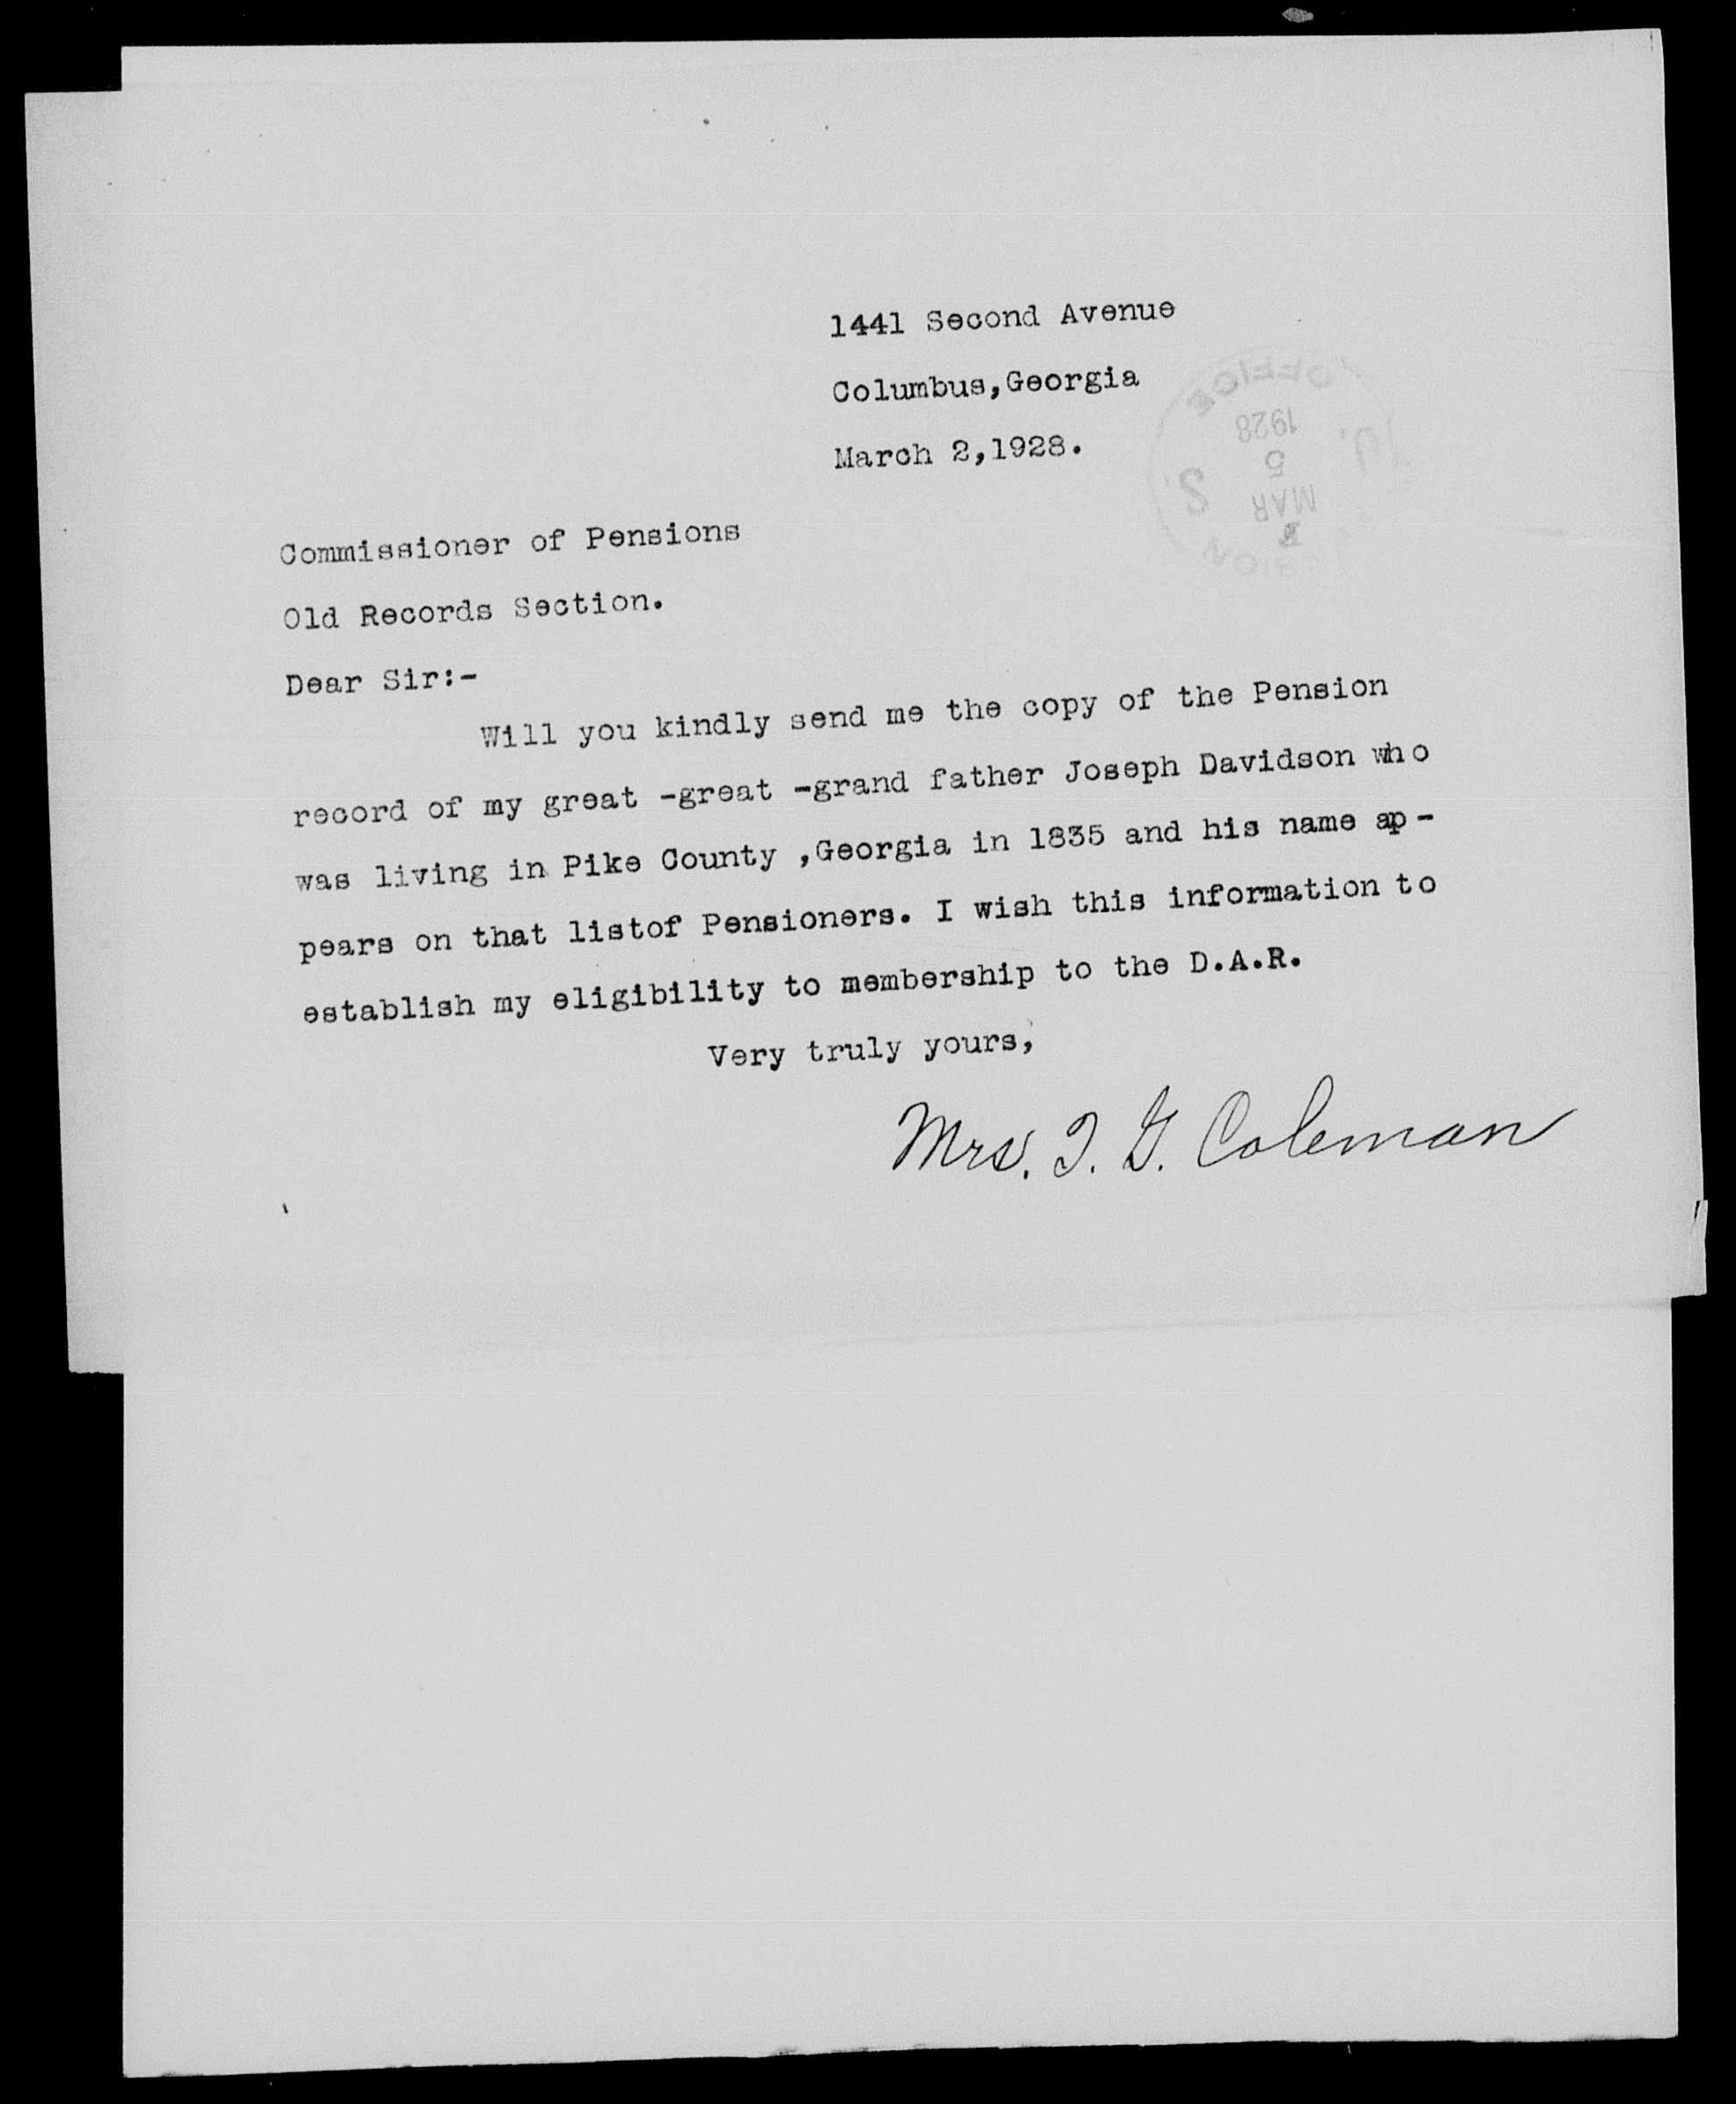1441 Second Avenue
Columbus, Georgia
March 2, 1928.
Commissioner of Pensions
Old Records Section.
Dear Sir:-
Will you kindly send me the copy of the Pension
record of my great great grand father Joseph Davidson to
was living in Pike County, Georgia in 1835 and his name a
pears on that list of Pensioners. I wish this information to
establish my eligibility to membership to the D. A. R.
Very truly yours,
Mrs. T. G. Coleman
[Stamp at top]
U.S. Pension Office
March 5, 1928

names: Joseph Davidson, Joseph Davidson, J G Coleman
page: 55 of 63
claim: widow's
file: W. 4175, Joseph Davidson, N.C.